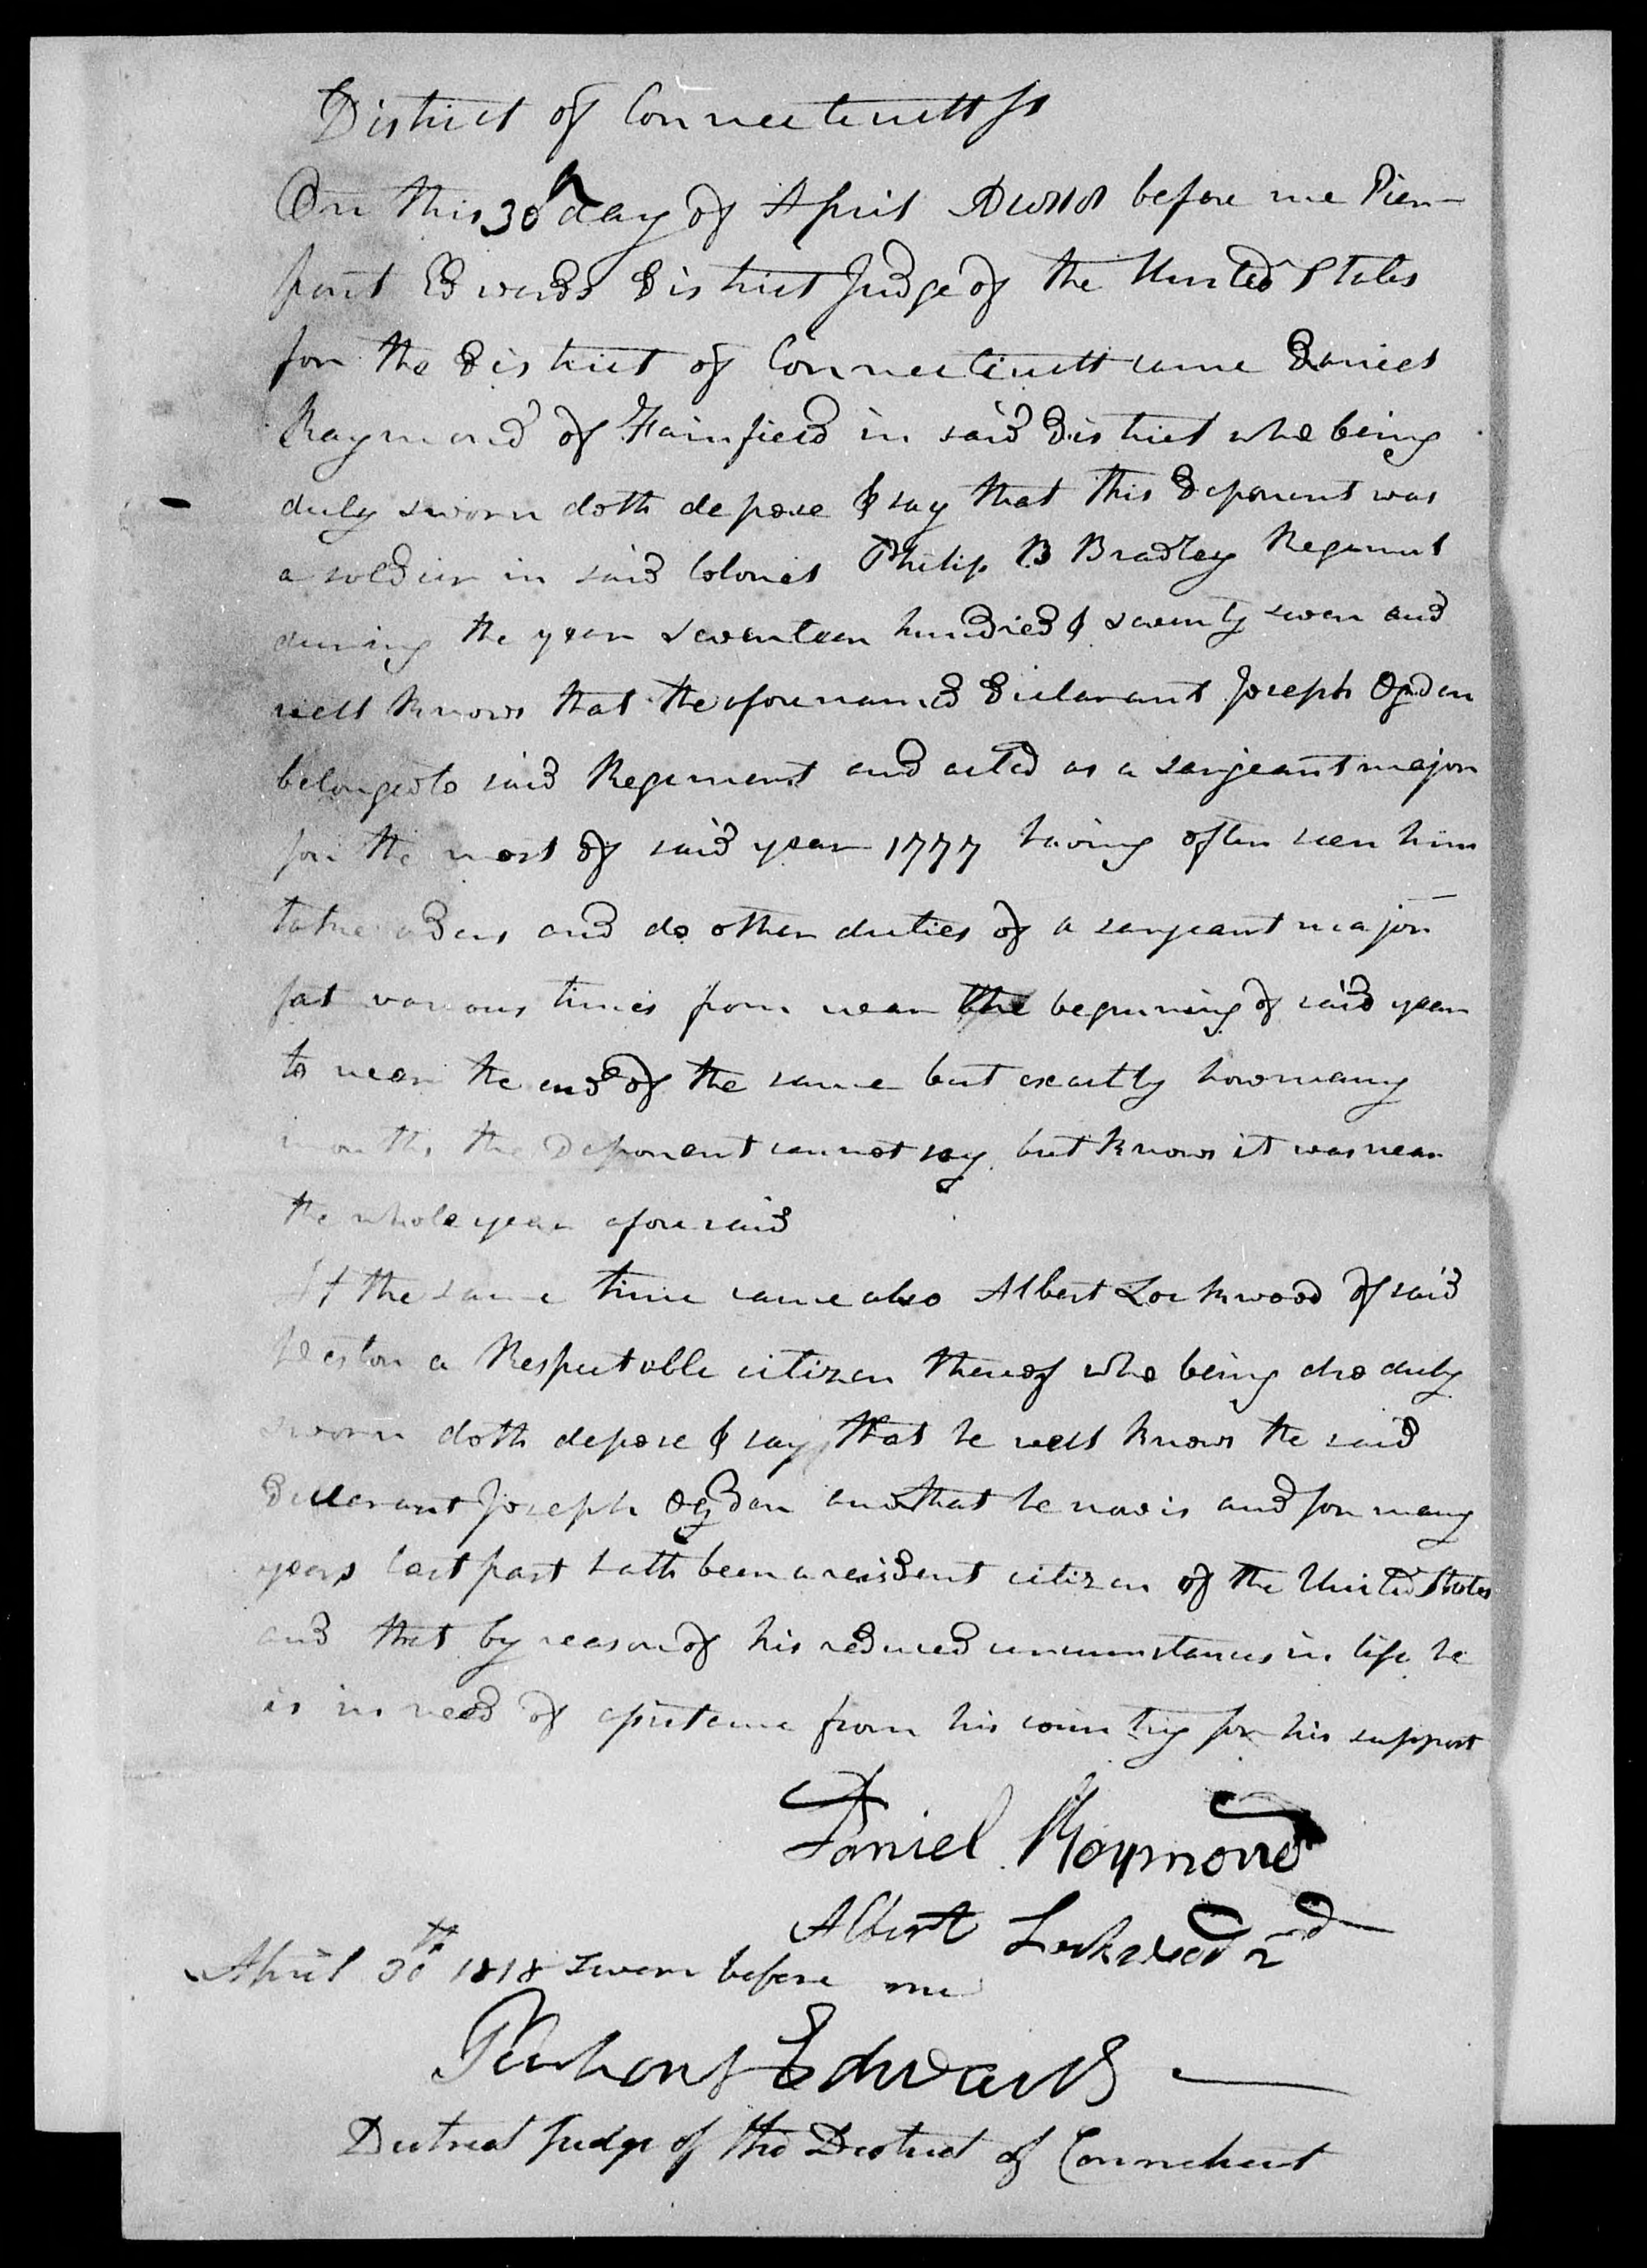District of Connecticutt ss
On this 30th day of April [illegible] before me Pierpont 
Edwards district Judge of the United States
for the district of Connecticutt came Daniel
Raymond of Fairfield in said District who being
duly sworn doth depose & say that this deponent was 
a soldier in said Colonel Philip B Bradley Regiment
during the year seventeen hundred & seventy seven and
well knows that the afore named declarant Joseph Ogden
belonged to said Regiment and acted as a Sergeant Major
for the most of said year 1777 having often seen him
take orders and do other duties of a sergeant Major
at various times from near the beginning of said year
to near the end of the same but exactly how many
months the Deponent cannot say but knows it was near
the whole year aforesaid
At the same time came also Albert Lockwood of said
Weston a Respectable citizen thereof who being [illegible] duly
sworn doth depose & say that he well knows the said
declarant Joseph Ogden and that he now is and for many
years last past hath been a resident citizen of the United States
and that by reason of his reduced circumstances in life he
is in need of assistance from his country for his support
Daniel Raymond
Albert Lockwood 2nd
April 30th 1818 sworn before me
Pierpont Edwards
District Judge of the District of Connecticut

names: Pierpont Edwards; Joseph Ogden; Albert Lockwood; Daniel Raymond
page: 11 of 15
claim: survivor's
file: S. 38,277, for Joseph Ogden, Connecticut